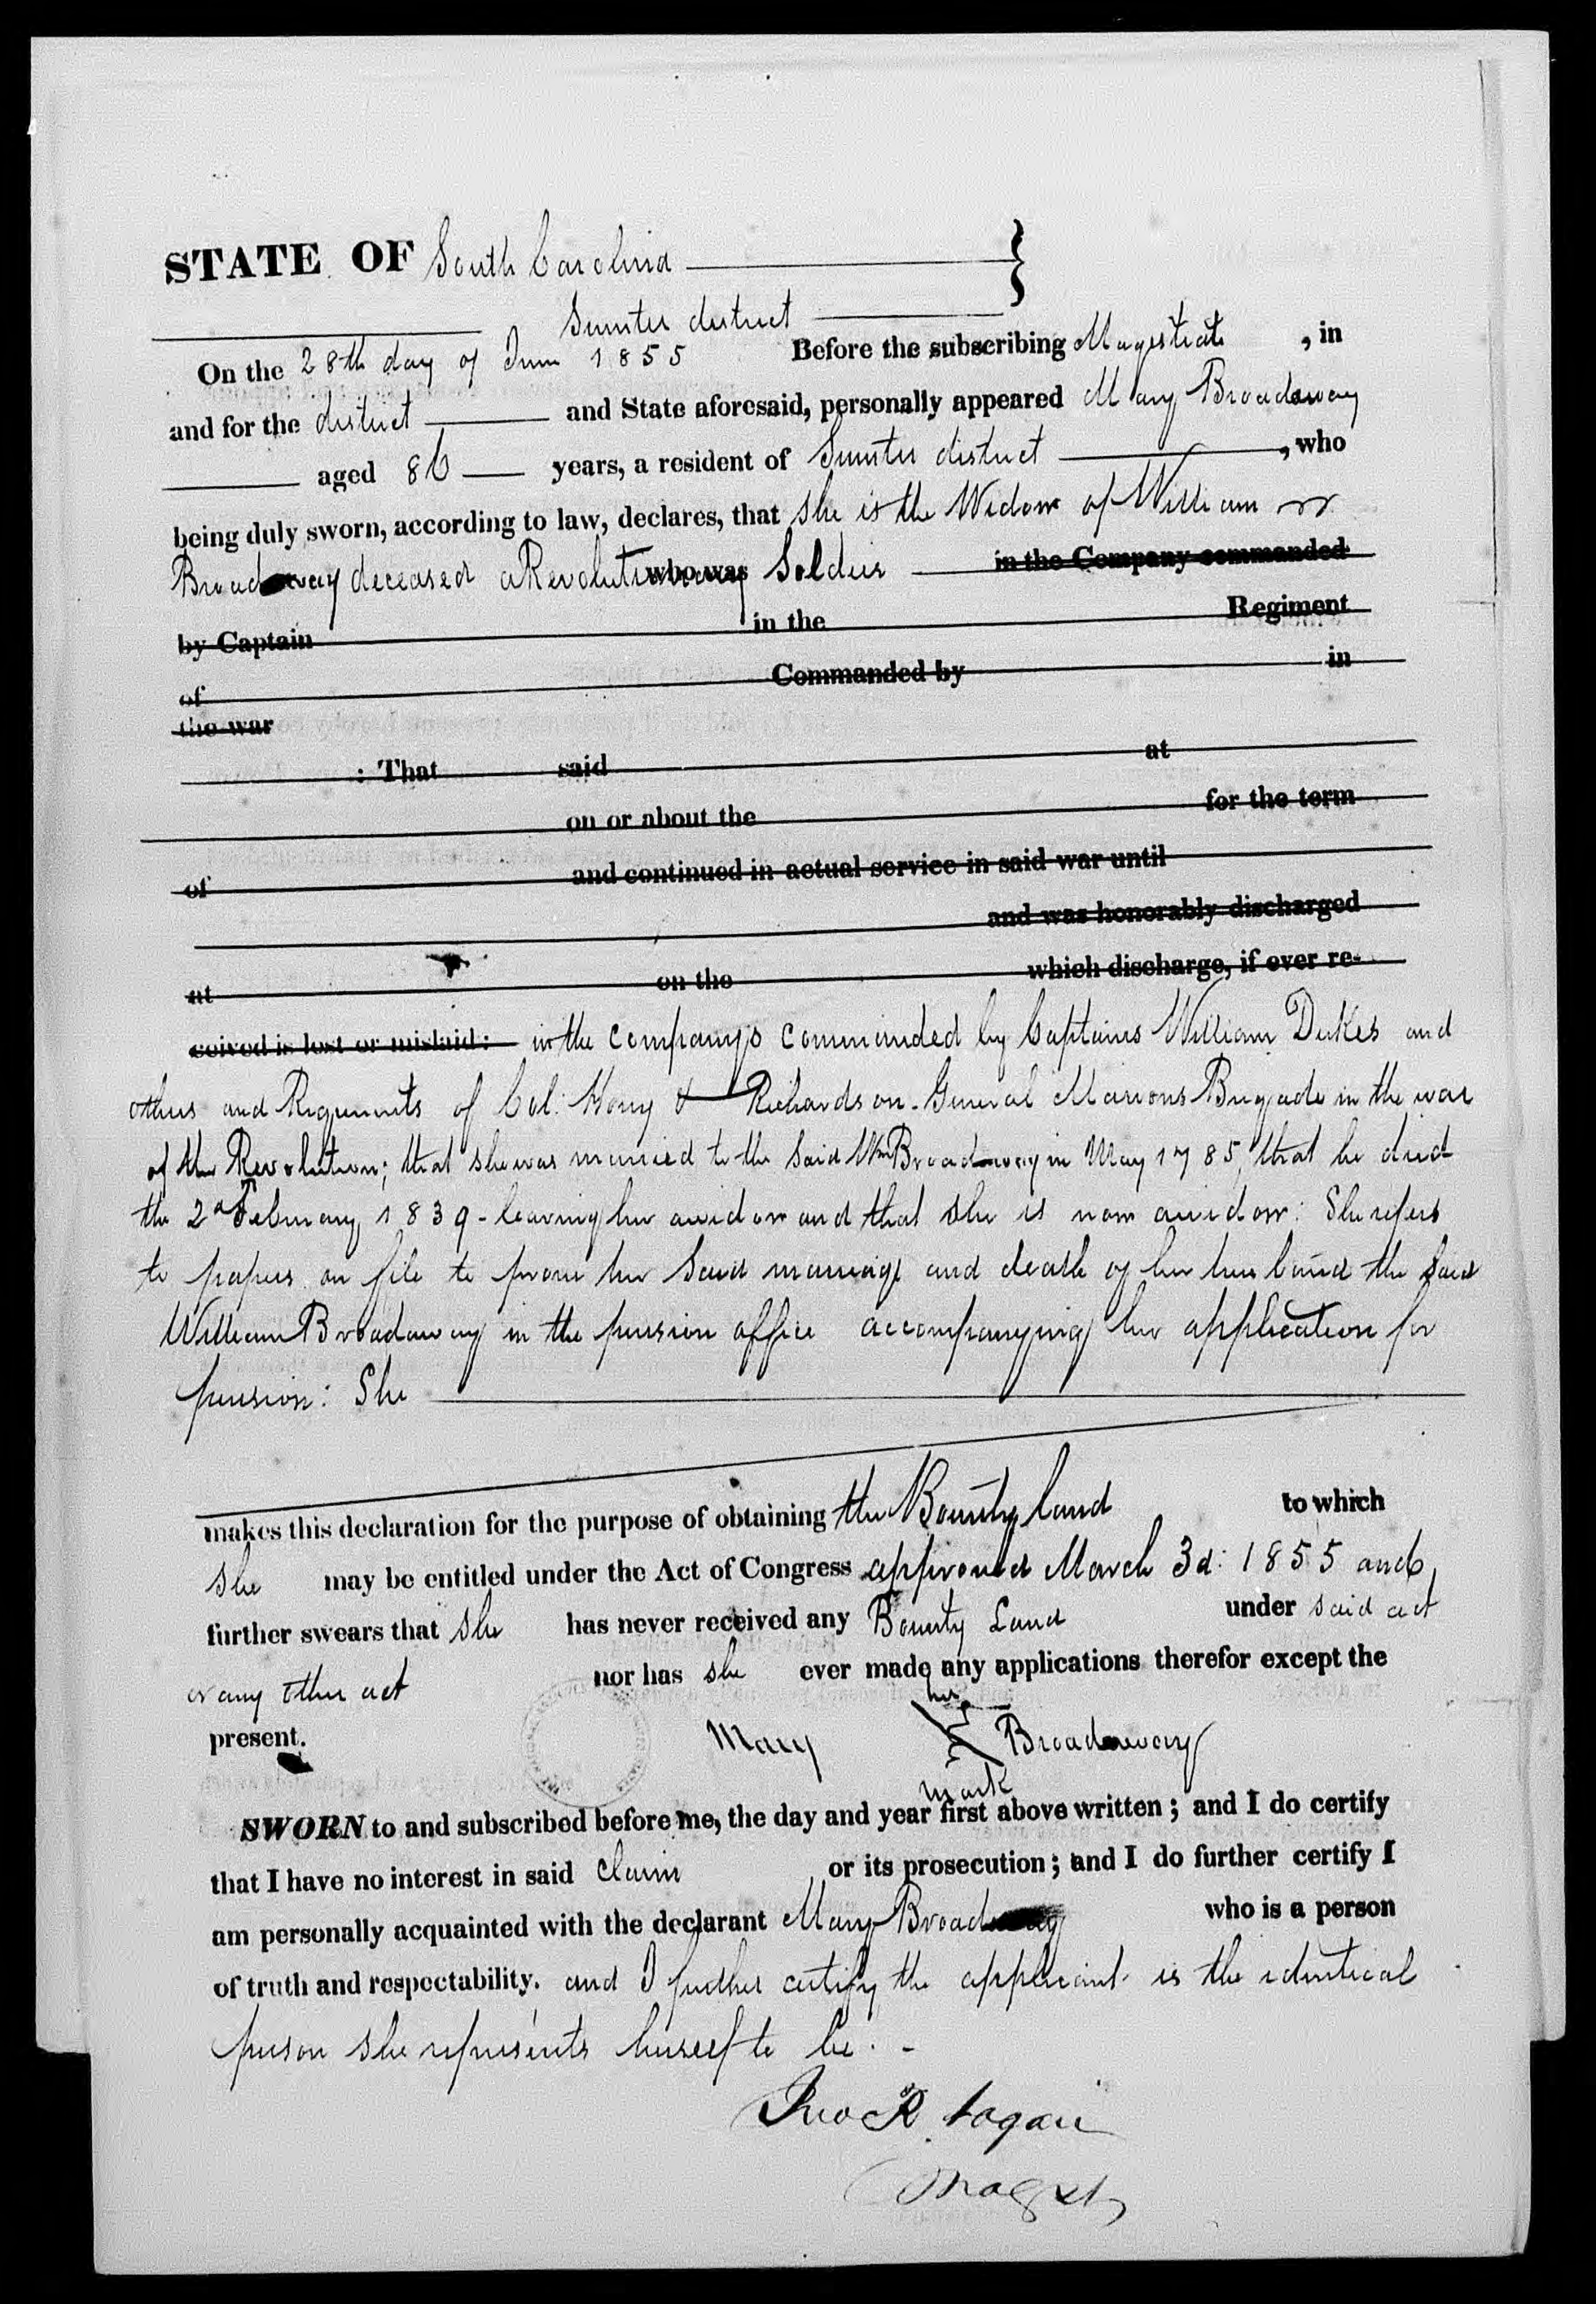STATE OF South Carolina}
Sumter district}
On the 28th day of June 1855 Before the subscribing Magistrate, in and for the district and State aforesaid, personally appeared Mary Broadway aged 86 years, a resident of Sumter district, who being duly sworn, according to law, declares, that she is the Widow of William Broadway deceased Revolutionary Soldier in the company's commanded by Captains William Dukes and others and Regiments of Col. [Lieutenant Colonel Peter] Horry & [Richard, Jr.] Richardson, General [Francis] Marions Brigade in the war of the Revolution; that she was married to the Said Wm Broadway in May 1785, that he died the 2d February 1830 - leaving her a widow and that she is now a widow: She refers to papers on file to prove her Said marriage and death of her husband the Said William Broadway in the pension office accompanying his application for pension: She makes this declaration for the purpose of obtaining the Bounty land to which she may be entitled under the Act of congress Approved March 3d 1855 and further swears that she has never received any Bounty Land under said act or any other act nor has she ever made any applications therefor except the present
Mary Broadway (her x mark)
SWORN to and subscribed before me, the day and year first above written; and I do certify that I have no interest in said claim or its prosecution; and I do further certify I am personally acquainted with the declarant Mary Broadway who is a person of truth and respectability; and I further certify the applicant is the identical person she represents herself to be.
Jno R Logan
Magst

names: Mary Broadway, Jno R Logan, Mary Broadway, Mary Broadway, Mary, Wm Broadway, William Broadway, Richardson, Lund, William Dukes, William Broadway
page: 7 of 98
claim: widow's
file: W. 8398, William Broadway, S.C.